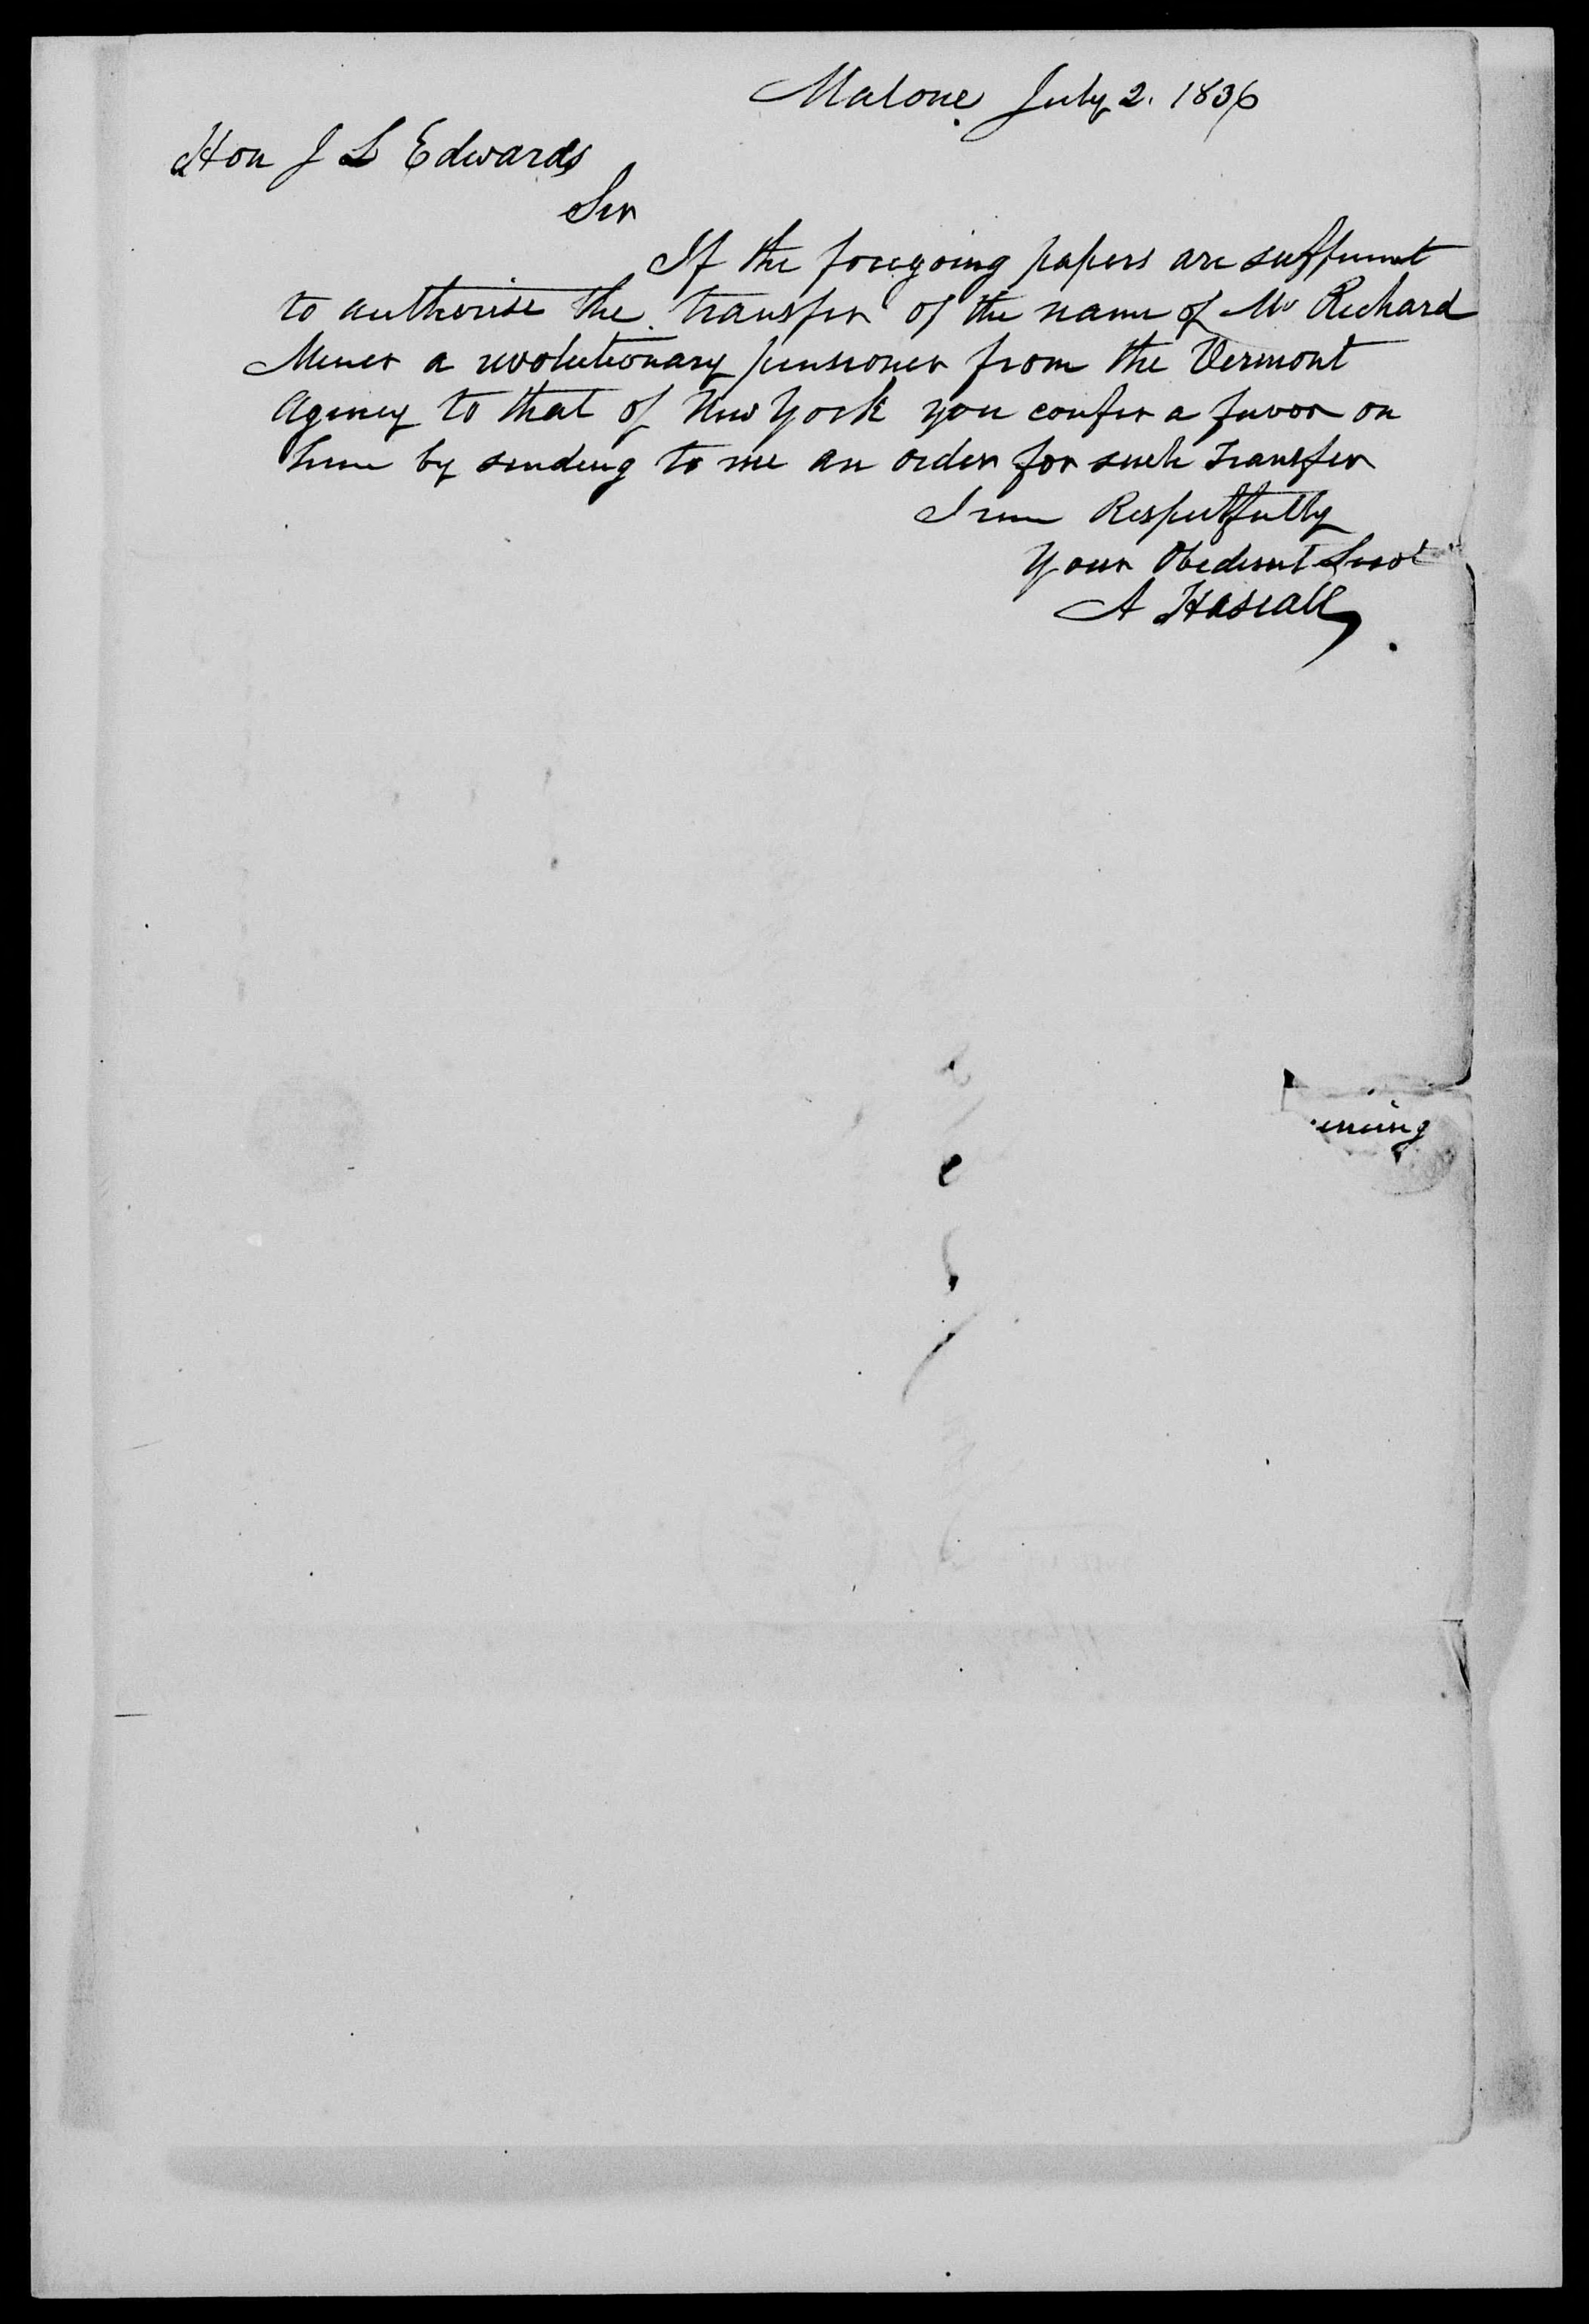Malone, July 2, 1836
Hon J L Edwards
Sir
If the foregoing papers are sufficient to authorise the transfer of the name of Mr. Richard Miner a revolutionary pensioner from the Vermont agency to that of New York you confer a favor on him by sending to me an order for such transfer
I am respectfully your obedient servant
A Hascall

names: J L Edwards; A Hascall; Richard Miner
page: 34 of 34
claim: survivor's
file: S. 13944, for Richard Miner, Massachusetts